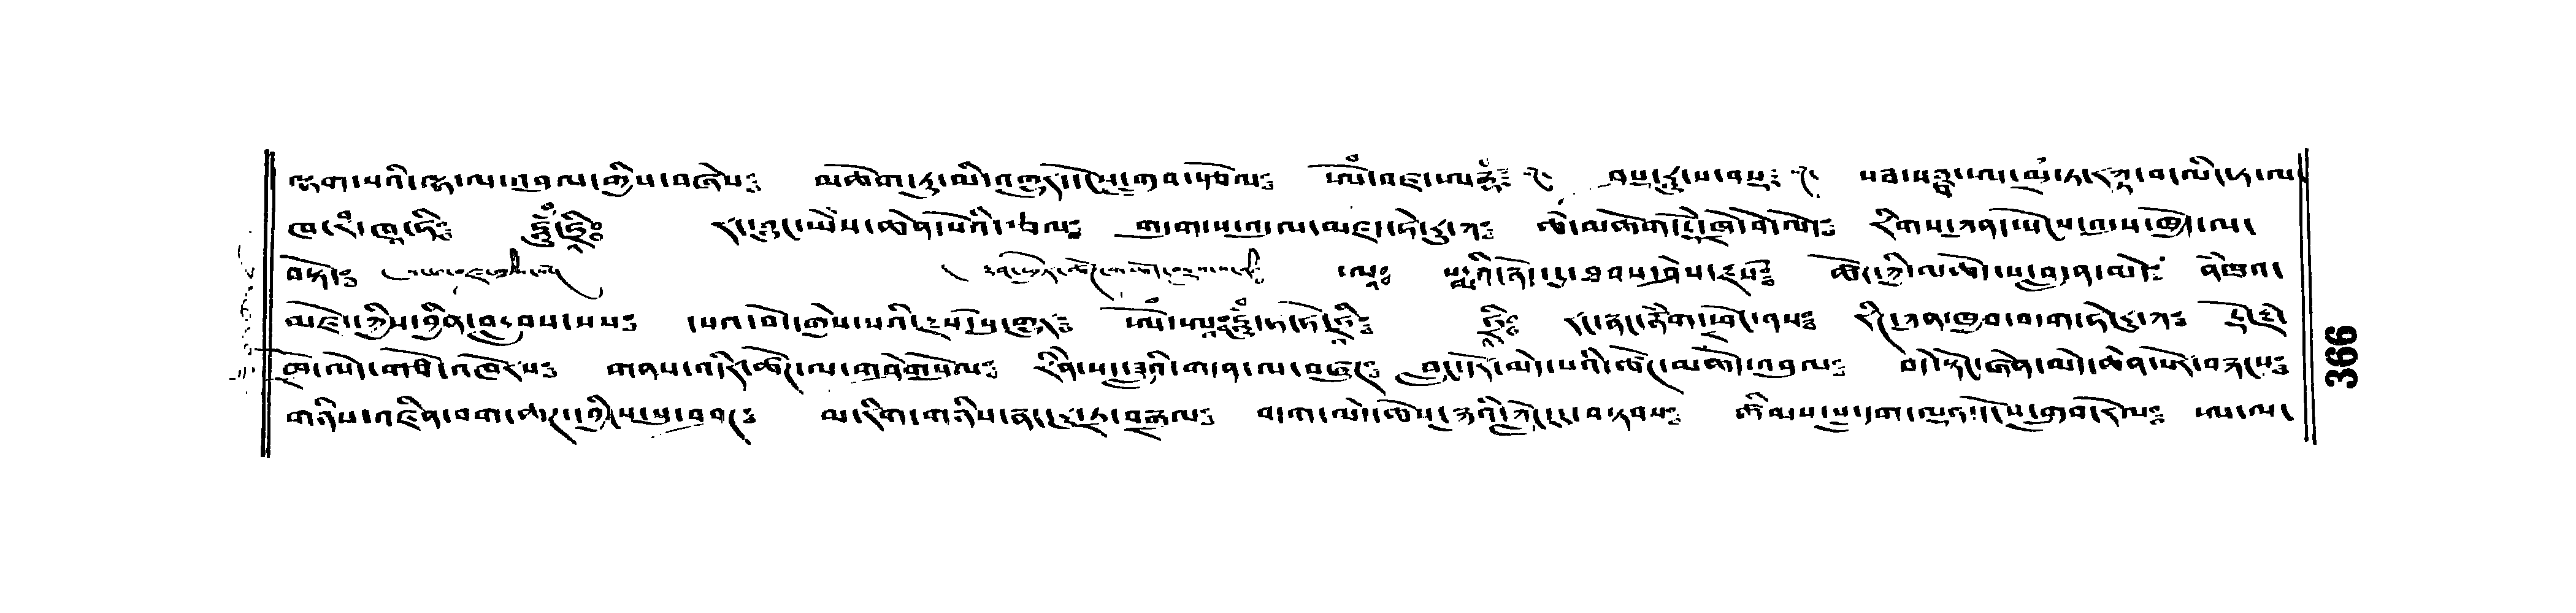ལྷག་པའི་ལྷ་ལ་འབུལ་གྱིས་བཞེས༔ མཆོག་ཏུ་མི་འགྱུར་དངོས་གྲུབ་སྩོལ༔ ཨོཾ་བཛྲ་ཨརྒྷཾ༴སོགས༔ ཤཔྡ་རཱུ་པ་ཤཔྡ༴སོགས༔ སརྦ་པཉྩ་ཨ་མྲྀ་ཏ་རཀྟ་བ་ལིང་ཏ་ལ་
ཁ་རཾ་ཁཱ་ཧི༔ ཧཱུྃ་ཧྲཱིཿ རང་བྱུང་ཡེ་ཤེས་ཆེན་པོའི་རྩལ༔ གདུག་པ་འདུལ་མཛད་ཧེ་རུ་ཀ༔ ཆེ་མཆོག་རྡོ་རྗེ་གྲོ་བོ་ལོད༔ རིགས་ཀུན་ཡོངས་འདུས་ཁྱོད་ལ་
བསྟོད༔ སུ་ཁ་བཛྲ་གྱིས་སོ།། རྒྱུན་ཁྱེར་ཚོགས་མཆོད་བསྡུས་པ་ནི༔ ཨཱཿ པདྨའི་སྣོད་དུ་ཐབས་ཤེས་རྫས༔ ཚོགས་ཀྱི་མཆོད་པ་བླ་ན་མེད༔ནམ་མཁའ་
མཛོད་ཀྱིས་བྱིན་བརླབས་པས༔ དཔའ་བོ་དགྱེས་པའི་རྫས་སུ་གྱུར༔ ཨོཾ་ཨཱཿཧཱུྃ་ཧ་ཧོ་ཧྲཱིཿ ཧྲཱིཿ རང་སྣང་རྣམ་དག་ཕོ་བྲང་ནས༔ རིགས་ཀུན་ཁྱབ་བདག་ཧེ་རུ་ཀ༔ རྡོ་རྗེ་
གྲོ་ལོད་གཙོ་འཁོར་འདས༔ གནས་འདིར་ཚོགས་ལ་གཤེགས་སུ་གསོལ༔ རིན་ཆེན་པད་ཟླའི་གདན་ལ་བཞུགས༔ བླང་དོར་མེད་པའི་ཚོགས་མཆོད་འབུལ༔ བདེ་སྟོང་ཞེན་མེད་ཆེན་པོར་བསྐངས༔ 
གཉིས་འཛིན་བག་ཆགས་དབྱིངས་སུ་བཤགས༔ མ་རིག་གཉིས་སྣང་རུ་ཏྲ་བསྒྲལ༔ བདག་མེད་ཆོས་སྐུའི་ཀློང་དུ་བསྟབས༔ ཚིམས་པ་དྲུག་ལྡན་དངོས་གྲུབ་རོལ༔ ཨ་ལ་